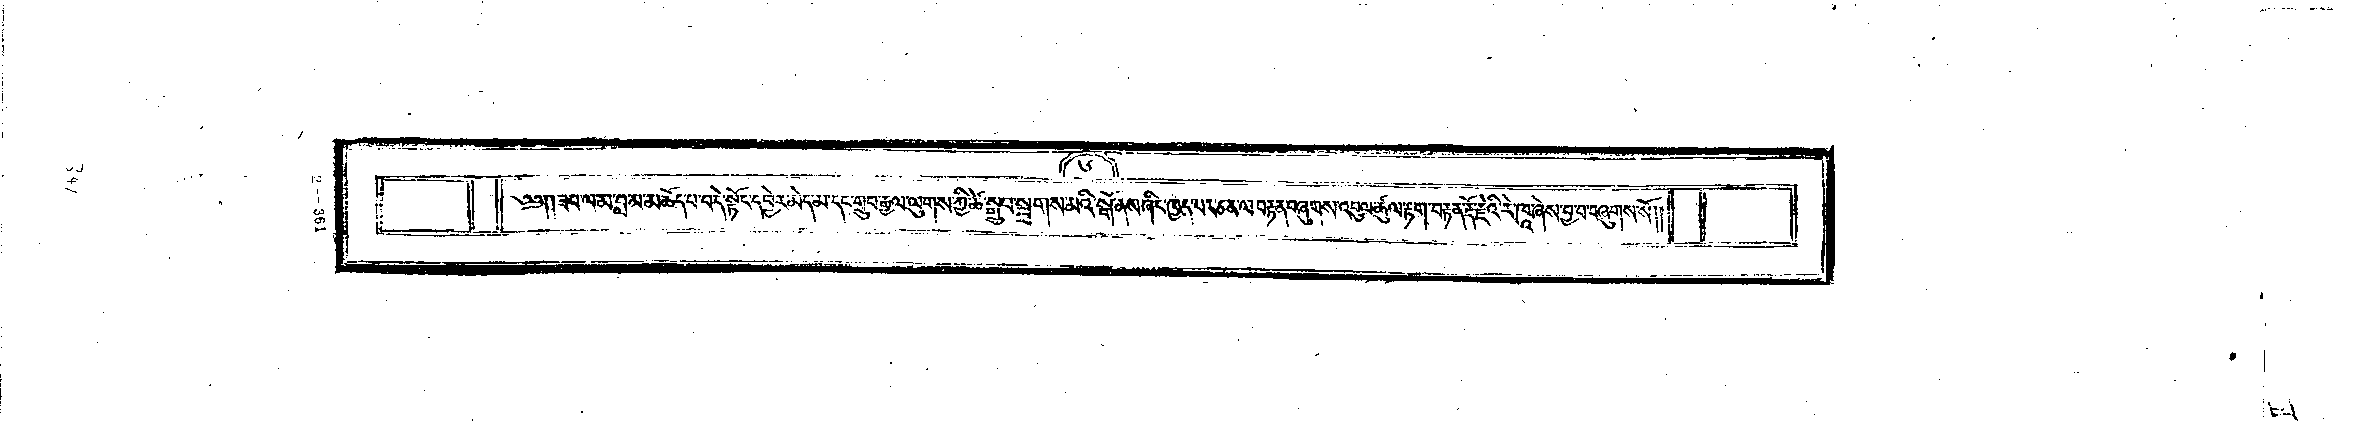༄༅། །ཟབ་ལམ་བླ་མ་མཆོད་པ་བདེ་སྟོང་དབྱེར་མེད་མ་དང་གྲུབ་རྒྱལ་ལུགས་ཀྱི་ཚེ་སྒྲུབ་སྦྲགས་མའི་སྒོ་ནས་ཞིང་ཁྱད་པར་ཅན་ལ་བརྟན་བཞུགས་འབུལ་ཚུལ་རྟག་བརྟན་རྡོ་རྗེའི་རེ་ཁཱ་ཞེས་བྱ་བ་བཞུགས་སོ།།